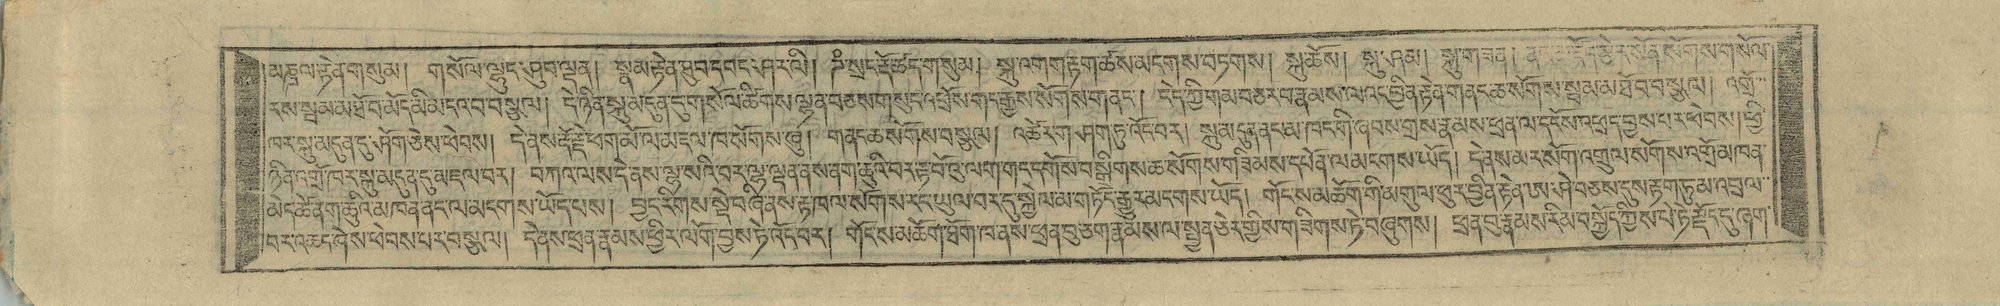མཎྜལ་རྟེན་གསུམ། གསོལ་ལྷུང་ཤུབ་ལྡན། སྣམ་རྟེན་ཐུབ་དབང་ཤར་ལི། ཌཾ་སྲང་རྡོ་ཚད་གསུམ། སྐུ་འགག་རྟག་ཚས་མངགས་བཏགས། སྐུ་ཆོས། སྐུ་ཤམ། སྐུ་གཟན། ནང་མཛོད་རྩེར་སོན་སོགས་གསོལ་
རས་སྦམ་མཐོ་བ་མོད་མི་མངའ་བ་བསྩལ། དེ་ཉིན་སྐུ་མདུན་དུ་གསོལ་ཚིགས་ལྷན་བཅས་གསུང་འཕྲོས་གང་རྒྱས་སོགས་གནང་། ངེད་ཀྱི་གམ་བཅར་བ་རྣམས་ལའང་བྱིན་རྟེན་གནང་ཆ་སོགས་སྦམ་མཐོ་བ་བསྩལ། འགྲོ་
ཁར་སྐུ་མདུན་དུ་ཤོག་ཅེས་ཕེབས། དེ་ནས་རྡོ་རྗེ་ཕག་མོ་ལ་མཇལ་ཁ་སོགས་ཞུ། གནང་ཆ་སོགས་བསྩལ། འཚེར་གཤག་ཏུ་འོང་བར། སྐུ་མདུན་ནང་མ་ཁང་གི་ཞབས་གྲས་རྣམས་ཕྲན་ལ་དངོས་འཕྲད་བྱས་པར་ཕེབས། ཕྱི་
ཉིན་འགྲོ་ཁར་སྐུ་མདུན་དུ་མཇལ་བར། བཀའ་ལས་དེ་ནས་ལྷ་སའི་བར་ལྷ་ལྡན་ནས་ནག་ཆུའི་བར་རྟ་པོ་འུ་ལག་གང་དགོས་བསྒྲིགས་ཆ་སོགས་གཟིམས་དཔོན་ལ་མངགས་ཡོད། དེ་ནས་མར་སོགས་འགྲུལ་སོགས་འགྲོ་མཁན་
མེད་ཚེ་ནག་ཆུའི་མཁན་ནང་ལ་མངགས་ཡོད་པས། བྱང་རིགས་སྡེ་བཞི་ནས་རྟ་ཁལ་སོགས་རང་ཡུལ་བར་དུ་སྐྱེལ་མ་གཏོང་རྒྱུར་མངགས་ཡོད། གོང་ས་མཆོག་གི་མགུལ་ཕུར་བྱིན་རྟེན་ཨ་ཤེ་བཅས་དུས་རྟག་ཏུ་མ་འབྲལ་
བར་འཆང་ཞེས་ཕེབས་པར་བསྩལ། དེ་ནས་ཕྲན་རྣམས་ཕྱིར་ལོག་བྱས་ཏེ་འོང་བར། གོང་ས་མཆོག་ཐོག་ཁ་ནས་ཕྲན་བུ་ཅག་རྣམས་ལ་སྤྱན་ཅེར་གྱིས་གཟིགས་ཏེ་བཞུགས། ཕྲན་བུ་རྣམས་རིམ་བསྐྱོད་ཀྱིས་པེ་ཏེ་རྫོང་དུ་ཞག་